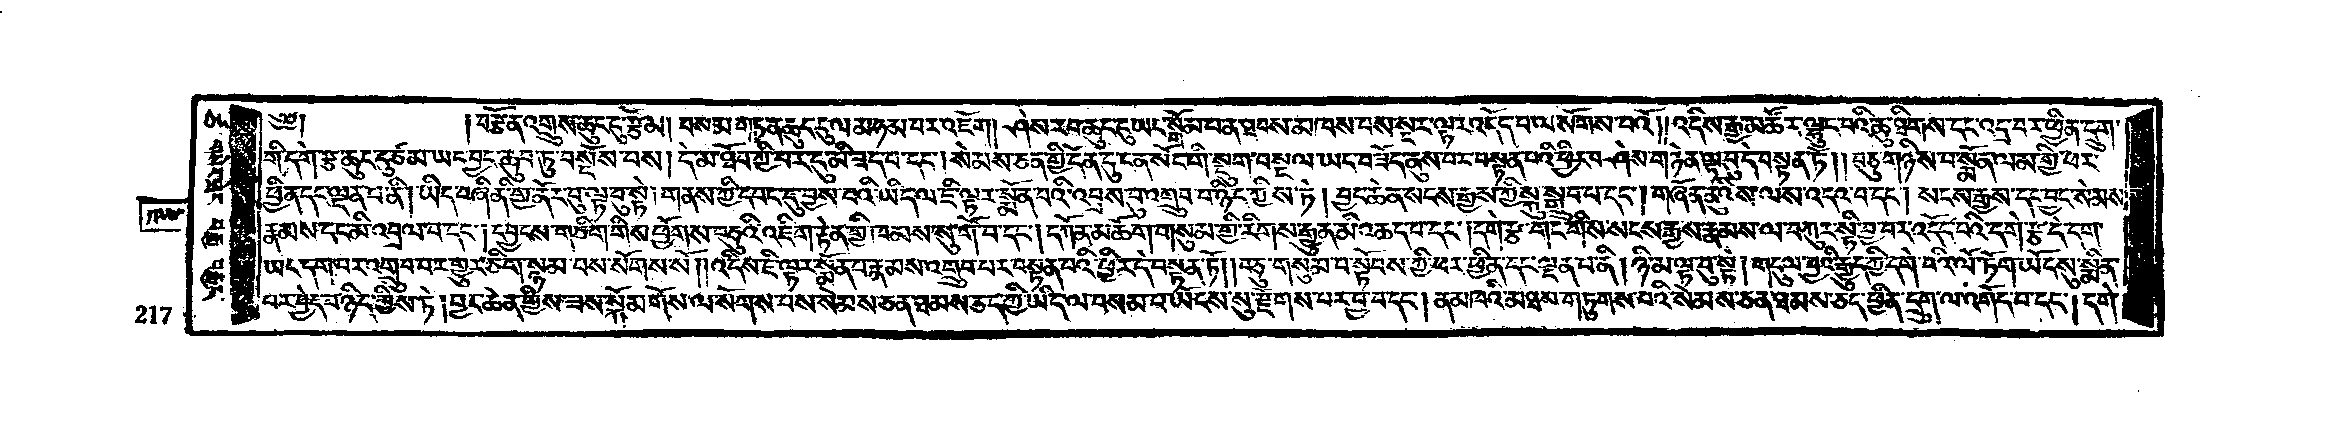༄༅། །བརྩོན་འགྲུས་ཆུང་ངུ་རྩོམ། བསམ་གཏན་ཆུང་ངུ་ལ་མཉམ་པར་འཇོག །ཤེས་རབ་ཆུང་ངུ་ཡང་སྒོམ་པ་ན་ཐབས་མཁས་པས་སྔར་ལྟར་འདོད་པ་ལ་སོགས་པའོ། །འདིས་རྒྱ་མཚོར་ལྷུང་བའི་ཆུ་ཐིགས་དང་འདྲ་བར་ཕྱིན་དྲུག་
གི་དགེ་རྩ་ཆུང་ངུ་ཙམ་ཡང་བྱང་ཆུབ་ཏུ་བསྔོས་པས། དེ་མ་ཐོབ་ཀྱི་བར་དུ་མི་ཟད་པ་དང་། སེམས་ཅན་གྱི་དོན་དུ་ངན་སོང་གི་སྡུག་བསྔལ་ཡང་བཟོད་ནུས་པར་བསྟན་པའི་ཕྱིར་བཤེས་གཉེན་ལྟ་བུ་དེ་བསྟན་ཏོ། །བཅུ་གཉིས་པ་སྨོན་ལམ་གྱི་ཕར་
ཕྱིན་དང་ལྡན་པ་ནི། ཡིད་བཞིན་གྱི་ནོར་བུ་ལྟ་བུ་སྟེ། གནས་ཀྱི་དབང་དུ་བྱས་པའི་ཡིད་ལ་ཇི་ལྟར་སྨོན་པའི་འབྲས་བུ་འགྲུབ་པ་ཉིད་ཀྱིས་ཏེ། བྱང་ཆེན་སངས་རྒྱས་ཀྱི་སྐུ་སྒྲུབ་པ་དང་། གཞོན་ནུའི་ས་ལས་འདའ་བ་དང་། སངས་རྒྱས་དང་བྱང་སེམས་
རྣམས་དང་མི་འབྲལ་བ་དང་། དབྱངས་གཅིག་གིས་ཕྱོགས་བཅུའི་འཇིག་རྟེན་གྱི་ཁམས་སུ་གོ་བ་དང་། དཀོན་མཆོག་གསུམ་གྱི་རིགས་རྒྱུན་མི་འཆད་པ་དང་། དགེ་རྩ་གང་གིས་སངས་རྒྱས་རྣམས་ལ་བཀུར་སྟི་བྱ་བར་འདོད་པའི་དགེ་རྩ་དེ་དག་
ཡང་དག་པར་འགྲུབ་པར་གྱུར་ཅིག་སྙམ་པས་སོགས་སོ། །འདིས་ཇི་ལྟར་སྨོན་པ་རྣམས་འགྲུབ་པར་བསྟན་པའི་ཕྱིར་དེ་བསྟན་ཏོ། །བཅུ་གསུམ་པ་སྟོབས་ཀྱི་ཕར་ཕྱིན་དང་ལྡན་པ་ནི། ཉི་མ་ལྟ་བུ་སྟེ། གདུལ་བྱའི་རྒྱུད་ཀྱི་དགེ་བའི་ལོ་ཏོག་ཡོངས་སུ་སྨིན་
པར་བྱེད་པ་ཉིད་ཀྱིས་ཏེ། བྱང་ཆེན་གྱིས་ཟས་སྐོམ་གོས་ལ་སོགས་པས་སེམས་ཅན་ཐམས་ཅད་ཀྱི་ཡིད་ལ་བསམ་པ་ཡོངས་སུ་རྫོགས་པར་བྱ་བ་དང་། ནམ་མཁའི་མཐས་གཏུགས་པའི་སེམས་ཅན་ཐམས་ཅད་ཕྱིན་དྲུག་ལ་འགོད་པ་དང་། དགེ་